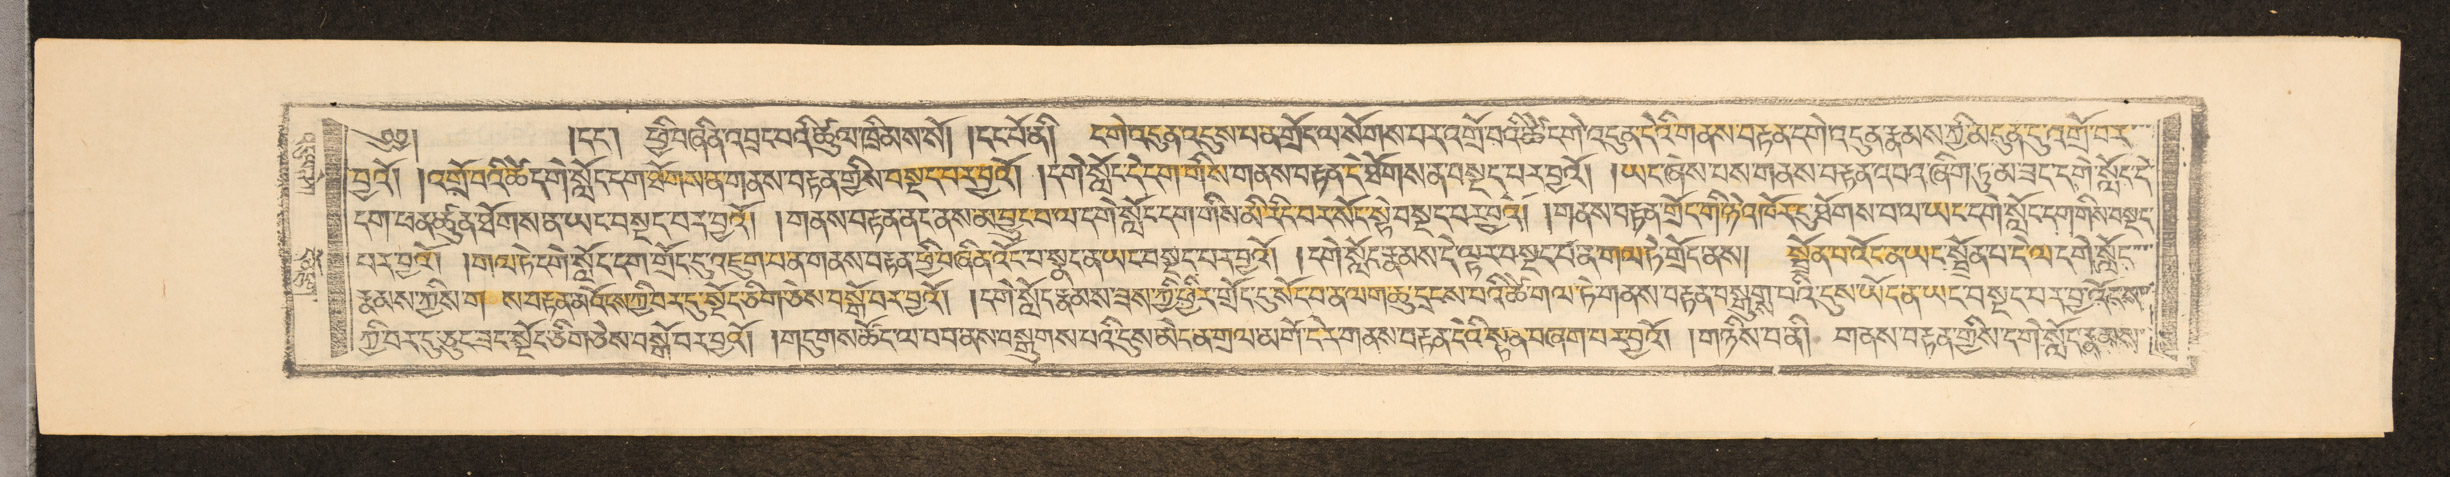༄༅། །དང་། ཕྱི་བཞིན་འབྲང་བའི་ཚུལ་ཁྲིམས་སོ། །དང་པོ་ནི། དགེ་འདུན་འདུས་པ་ན་གྲོང་ལ་སོགས་པར་འགྲོ་བའི་ཚེ་དགེ་འདུན་དེའི་གནས་བརྟན་དགེ་འདུན་རྣམས་ཀྱི་མདུན་དུ་འགྲོ་བར་
བྱའོ། །འགྲོ་བའི་ཚེ་དགེ་སློང་དག་ཐོགས་ན་གནས་བརྟན་གྱིས་བསྡད་པར་བྱའོ། །དགེ་སློང་དེ་དག་གིས་གནས་བརྟན་དེ་ཐོགས་ན་བསྡད་བར་བྱའོ། །ཡང་ཞེས་པས་གནས་བརྟན་འབའ་ཞིག་ཏུ་མ་ཟད་དགེ་སློང་དེ་
དག་ཕན་ཚུན་ཐོགས་ན་ཡང་བསྡད་པར་བྱའོ། །གནས་བརྟན་ནང་ནས་མ་བྱུང་བ་ལ་དགེ་སློང་དག་གིས་མི་རིང་བར་སོང་སྟེ་བསྡད་པར་བྱའོ། །གནས་བརྟན་གྲོང་གི་ཉེ་འཁོར་དུ་ཐོགས་པ་ལ་ཡང་དགེ་སློང་དག་གིས་བསྡད་
པར་བྱའོ། །གལ་ཏེ་དགེ་སློང་དག་གྲོང་དུ་འཇུག་པ་ན་གནས་བརྟན་ཕྱི་བཞིན་འོང་བ་སྣང་ན་ཡང་བསྡད་པར་བྱའོ། །དགེ་སློང་རྣམས་དེ་ལྟར་བསྡད་པ་ན་གལ་ཏེ་གྲོང་ནས། སྦྲོན་པ་འོང་ན་ཡང་སྦྲོན་པ་དེ་ལ་དགེ་སློང་
རྣམས་ཀྱིས་གནས་བརྟན་མ་འོངས་ཀྱི་བར་དུ་སྡོད་ཅིག་ཅེས་བསྒོ་བར་བྱའོ། །དགེ་སློང་རྣམས་ཟས་ཀྱི་ཕྱིར་གྲོང་དུ་སོང་བ་ན་ལག་ཆུ་དྲངས་པའི་ཚེ་གལ་ཏེ་གནས་བརྟན་བསྒུགས་པའི་དུས་ཡོད་ན་ཡང་བསྡད་པར་བྱ་འོངས་
ཀྱི་བར་དུ་ཅུང་ཟད་སྡོད་ཅིག་ཅེས་བསྒོ་བར་བྱའོ། །གདུགས་ཚོད་ལ་བབ་ནས་བསྒུགས་པའི་དུས་མེད་ན་གྲལ་མགོ་དེར་གནས་བརྟན་དེའི་སྟན་བཞག་པར་བྱའོ། །གཉིས་པ་ནི། གནས་བརྟན་གྱིས་དགེ་སློང་རྣམས་